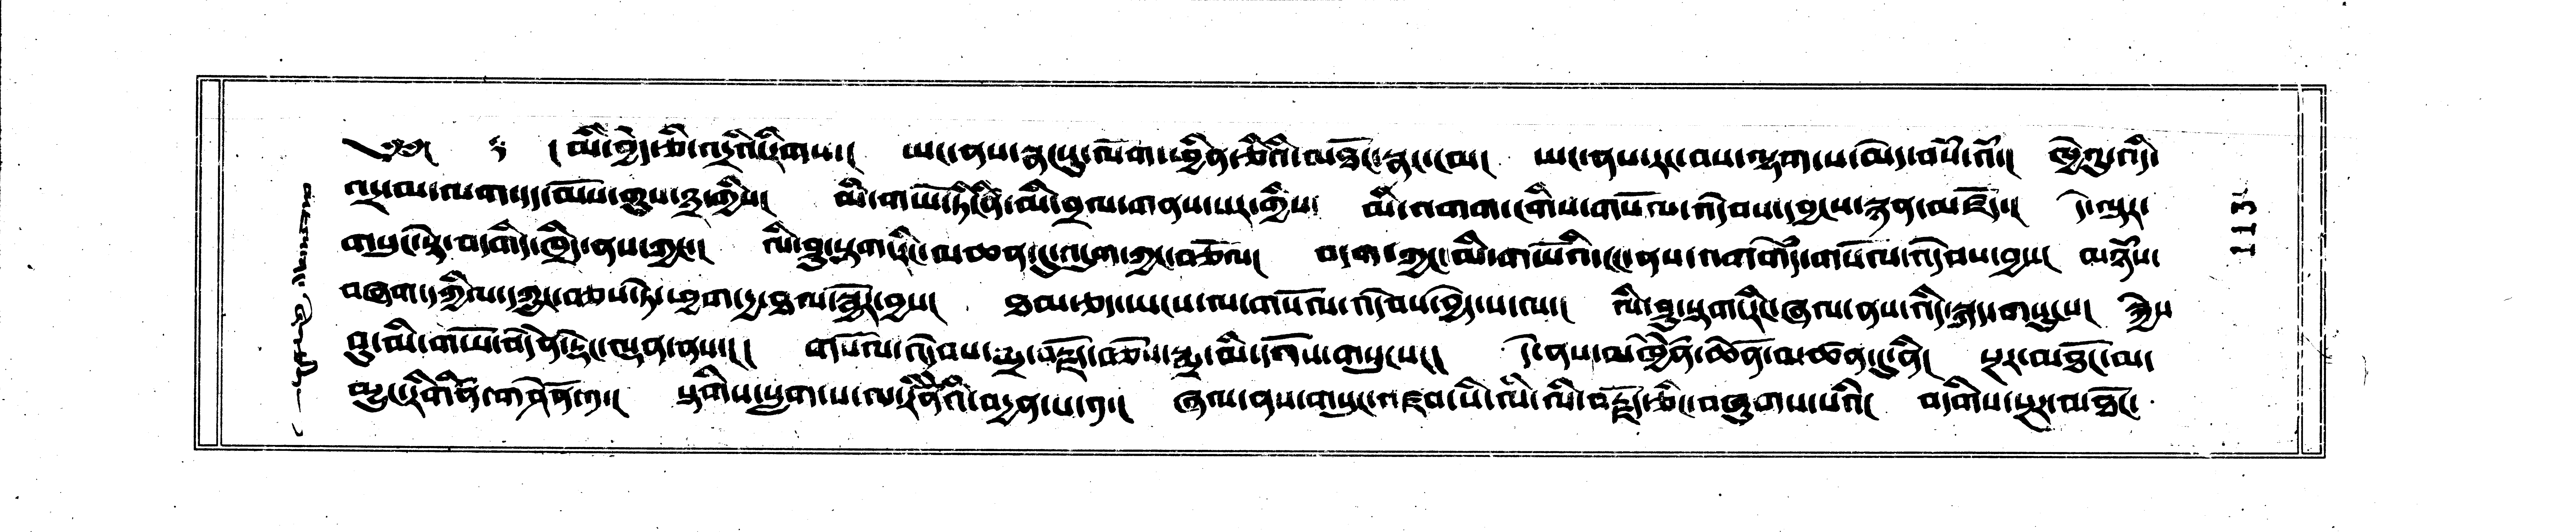མི་བྱེད་ཅི་འདྲའི་རིགས། ཡང་ནས་སྣང་དུ་ལོག་ཕྱིན་ཅིའི་མཐོང་སྣང་ངམ། ཡང་ནས་རང་བས་ལྷག་པ་མེད་བསམ་འམ། ཁྱེའུ་འདི་
འདྲ་མ་ལག་དད་མོས་གུས་གསུམ་གྱིས། མི་གཡོ་ཏིང་འཛིན་མི་བྲལ་གནས་པར་གྱིས། མི་འགག་ངག་གིས་གསོལ་འདེབས་དབྱངས་སྙན་མཛོད། དེ་ལྟར་
གསུང་སྟེ་བདག་ཉིད་ཁྲིད་ནས་ཀྱང་། ལི་ཤུ་སྟག་རིང་མཆན་དུ་འདུག་ཀྱང་བཅོལ། བདག་ཀྱང་མི་གཡོའི་ངང་ནས་འགག་མེད་གསོལ་འདེབས་བྱས། མཉམ་
བཞག་དཀྱིལ་དཀྲུང་བཅས་ཏེ་ཕྱག་རྒྱ་ཐལ་སྦྱོར་བྱས། ཐམས་ཅད་ཡོངས་ལ་གསོལ་འདེབས་བྱེད་པ་ལ། ལི་ཤུ་སྟག་རིང་ཞལ་ནས་འདི་སྐད་གསུངས། སྐྱེས་
བུ་མི་གཡོ་བདེ་ཆེན་རྡེང་ལྡན་ནས།། གསོལ་འདེབས་སྨྲ་བརྗོད་བཅོས་སྨྲ་མི་དགོས་གསུངས། དེ་ནས་མཁྱེན་བརྩེ་ཆེན་པོ་མཚན་དུ་ནི། སྔར་མཐོང་མ་
མྱུར་རིག་འཛིན་གཤེན་པོ་གཅིག སྟག་གི་སླག་པ་ལ་རིན་པོ་ཆེས་བརྒྱན་པ་གཅིག ཞལ་ནས་གསུང་འཛབ་སི་ལི་ལི་བརྗོད་ཅིང་བཞུགས་པའི། བདག་གིས་སྔར་མཐོང་